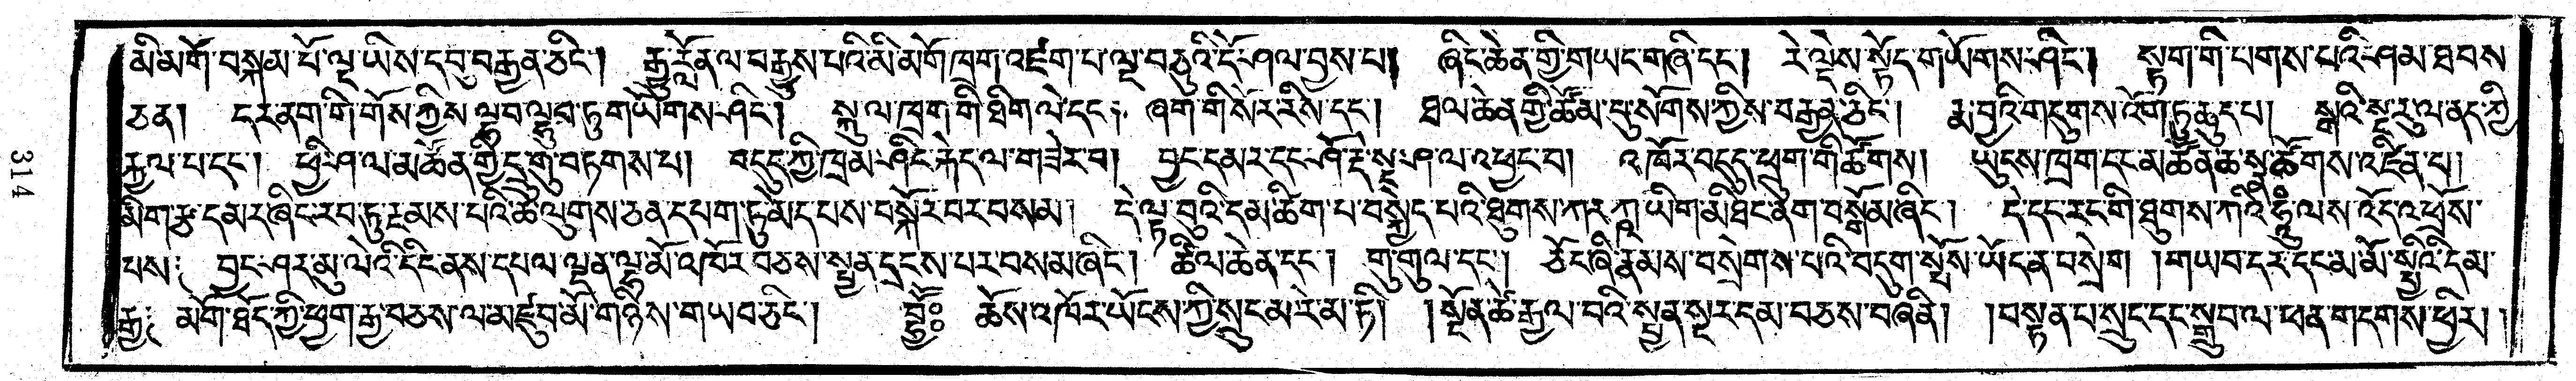མི་མགོ་བསྐམ་པོ་ལྔ་ཡིས་དབུ་བརྒྱན་ཅིང་། རྒྱུ་རློན་ལ་བརྒྱུས་པའི་མི་མགོ་ཁྲག་འཛག་པ་ལྔ་བཅུའི་དོ་ཤལ་བྱས་པ། ཞིང་ཆེན་གྱི་གཡང་གཞི་དང་། རེ་ལྡེས་སྟོད་གཡོགས་ཤིང་། སྟག་གི་པགས་པའི་ཤམ་ཐབས་
ཅན། དར་ནག་གི་གོས་ཀྱིས་ལྷབ་ལྷུབ་ཏུ་གཡོགས་ཤིང་། སྐུལ་ཁྲག་གི་ཐིག་ལེ་དང་། ཞག་གི་སོར་རིས་དང་། ཐལ་ཆེན་གྱི་ཚོམ་བུ་སོགས་ཀྱིས་བརྒྱན་ཅིང་། རྨ་བྱའི་གདུགས་འོག་ཏུ་ཆུད་པ། སྒའི་སྔ་རུ་ལ་ནད་ཀྱི་
རྐྱལ་པ་དང་། ཕྱི་ཤ་ལ་མཚོན་གྱི་དྲུ་གུ་བཏགས་པ། བདུད་ཀྱི་ཁྲམ་ཤིང་རྐེད་ལ་གཟེར་བ། བྱང་དམར་དང་ཤོ་རྡེ་སྔ་ཤ་ལ་འཕྱང་བ། འཁོར་བདུད་ཕྲུག་གི་ཚོགས། ཡུངས་ཁྲག་དང་མཚོན་ཆ་སྣ་ཚོགས་འཛིན་པ།
མིག་རྩ་དམར་ཞིང་རབ་ཏུ་རྔམས་པའི་ཆ་ལུགས་ཅན་དཔག་ཏུ་མེད་པས་བསྐོར་བར་བསམ། དེ་ལྟ་བུའི་དམ་ཚིག་པ་བསྐྱེད་པའི་ཐུགས་ཀར་ཀྵ་ཡིག་མཐིང་ནག་བསྒོམ་ཞིང་། དེ་དང་རང་གི་ཐུགས་ཀའི་ཧཱུཾ་ལས་འོད་འཕྲོས་
པས༑ བྱང་ཤར་མུ་ལེའི་དིང་ནས་དཔལ་ལྡན་ལྷ་མོ་འཁོར་བཅས་སྤྱན་དྲངས་པར་བསམ་ཞིང་། ཚིལ་ཆེན་དང་། གུ་གུལ་དང་། ཅོང་ཞི་རྣམས་བསྲེགས་པའི་བདུག་སྤོས་ཡོད་ན་བསྲེག །གཡབ་དར་དང་མ་མོ་སྤྱིའི་དམ་
རྒྱ༑ མགོ་ཐོད་ཀྱི་ཕྱག་རྒྱ་བཅས་ལ་མཛུབ་མོ་གཉིས་གཡབ་ཅིང་། བྷྱཽཿ ཆོས་འཁོར་ཡོངས་ཀྱི་སྲུང་མ་རེ་མ་ཏི། །སྔོན་ཚེ་རྒྱལ་བའི་སྤྱན་སྔར་དམ་བཅས་བཞིན། །བསྟན་པ་སྲུང་དང་སྒྲུབ་ལ་ཕན་གདགས་ཕྱིར། །